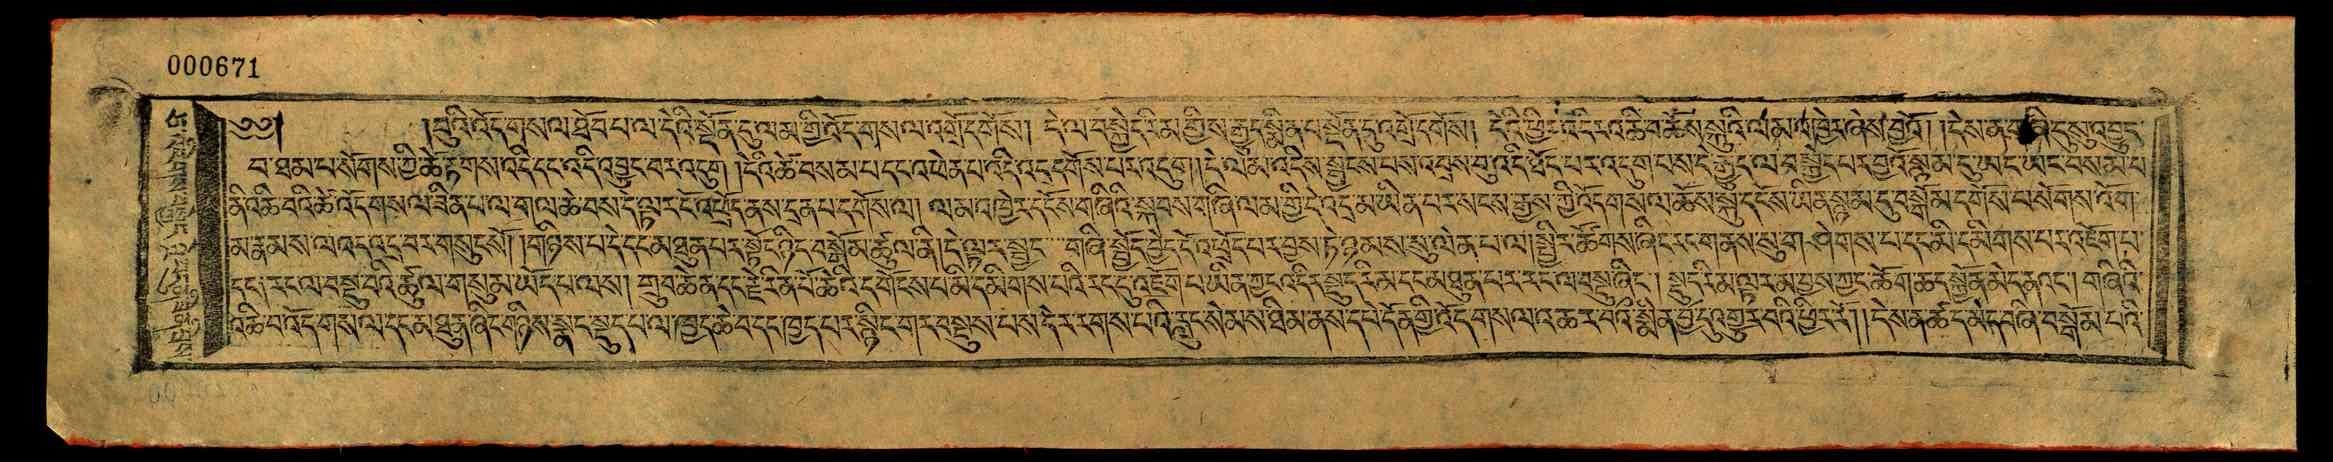༄༅། །བུའི་འོད་གསལ་ཐོབ་པ་ལ་དེའི་སྔོན་དུ་ལམ་གྱི་འོད་གསལ་འགྲོ་དགོས། དེ་ལ་བསྐྱེད་རིམ་གྱིས་རྒྱུད་སྨིན་པ་སྔོན་དུ་འགྲོ་དགོས། དེའི་ཕྱིར་འདིར་འཆི་བ་ཆོས་སྐུའི་ལམ་འཁྱེར་ཞེས་བྱའོ། །དེས་ན་གཞི་དུས་སུ་འབྱུང་
བ་ཐིམ་པ་སོགས་ཀྱི་ཚེ་རྟགས་འདི་དང་འདི་འབྱུང་བར་འདུག །དེའི་ཚེ་བསམ་པ་དང་འཕེན་པ་འདི་འདྲ་དགོས་པར་འདུག །དེ་ལམ་འདིས་སྦྱངས་པས་འབྲས་བུ་འདི་ཐོབ་པར་འདུག་པས་དེ་རྒྱུད་ལ་བསྐྱེད་པར་བྱའོ་སྙམ་དུ་ཡང་ཡང་བསམ་པ་
ནི་འཆི་བའི་ཚེ་འོད་གསལ་ཟིན་པ་ལ་གལ་ཆེ་བས་ད་ལྟར་ངོ་འཕྲོད་ནས་དྲན་པ་དགོས་ལ། ལམ་འཁྱེར་དངོས་གཞིའི་སྐབས་གཞི་ལམ་གྱི་དེ་འདྲ་མ་ཡིན་པར་སངས་རྒྱས་ཀྱི་འོད་གསལ་ཆོས་སྐུ་དངོས་ཡིན་སྙམ་དུ་བསྒོམ་དགོས་པ་སོགས་འོག་
མ་རྣམས་ལའང་འདྲ་བར་གསུངས་སོ། །གཉིས་པ་དེ་དང་མཐུན་པར་སྟོང་ཉིད་བསྒོམ་ཚུལ་ནི། དེ་ལྟར་སྦྱང་གཞི་སྦྱོང་བྱེད་ངོ་འཕྲོད་པར་བྱས་ཏེ་ཉམས་སུ་ལེན་པ་ལ། སྤྱིར་ཚོགས་ཞིང་རང་གནས་སུ་གཤེགས་པ་དང་མི་དམིགས་པར་འཇོག་པ་
དང༑ རང་ལ་བསྡུ་བའི་ཚུལ་གསུམ་ཡོད་པ་ལས། གྲུབ་ཆེན་དང་རྗེ་རིན་པོ་ཆེའི་དགོངས་པ་མི་དམིགས་པའི་ངང་དུ་འཇོག་པ་ཡིན་ཀྱང་འདིར་སྡུད་རིམ་དང་མཐུན་པར་རང་ལ་བསྡུ་ཞིང་། སྡུད་རིམ་ལྟར་མ་བྱས་ཀྱང་ཆོ་ག་ཆད་སྐྱོན་མེད་ནའང་། གཞིའི་
འཆི་བ་འོད་གསལ་དང་མཐུན་ཞིང་གཉིས་སྣང་སྡུད་པ་ལ་ཁྱད་ཆེ་བ་དང་ཁྱད་པར་སྙིང་གར་བསྡུས་པས་དེར་རགས་པའི་རླུང་སེམས་ཐིམ་ནས་དཔེ་དོན་གྱི་འོད་གསལ་འཆར་བའི་སྨིན་བྱེད་དུ་འགྱུར་བའི་ཕྱིར་རོ། །དེས་ན་ཚད་མེད་བཞི་བསྒོམ་པའི་